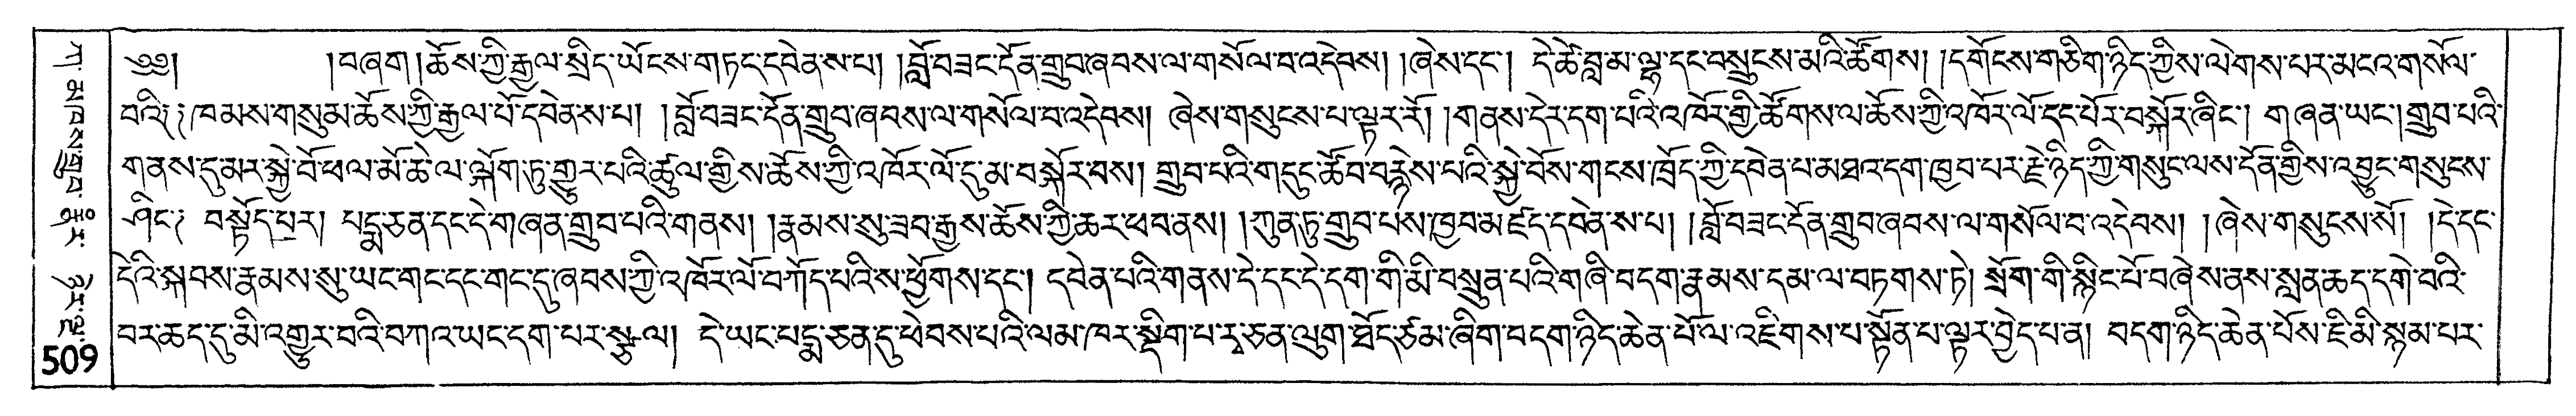༄༅། །བཞག །ཆོས་ཀྱི་རྒྱལ་སྲིད་ཡོངས་གཏད་དབེན་ས་པ། །བློ་བཟང་དོན་གྲུབ་ཞབས་ལ་གསོལ་བ་འདེབས། །ཞེས་དང་། དེ་ཚེ་བླ་མ་ལྷ་དང་བསྲུངས་མའི་ཚོགས། །དགོངས་གཅིག་ཉིད་ཀྱིས་ལེགས་པར་མངའ་གསོལ་
པའི༑ ༑ཁམས་གསུམ་ཆོས་ཀྱི་རྒྱལ་པོ་དབེན་ས་པ། །བློ་བཟང་དོན་གྲུབ་ཞབས་ལ་གསོལ་བ་འདེབས། ཞེས་གསུངས་པ་ལྟར་རོ། །གནས་དེར་དག་པའི་འཁོར་གྱི་ཚོགས་ལ་ཆོས་ཀྱི་འཁོར་ལོ་དང་པོར་བསྐོར་ཞིང་། གཞན་ཡང་། གྲུབ་པའི་
གནས་དུ་མར་སྐྱེ་བོ་ཕལ་མོ་ཆེ་ལ་ལྐོག་ཏུ་གྱུར་པའི་ཚུལ་གྱིས་ཆོས་ཀྱི་འཁོར་ལོ་དུ་མ་བསྐོར་བས། གྲུབ་པའི་གདུང་ཚོབ་བརྙེས་པའི་སྐྱེ་བོས་གངས་ཁྲོད་ཀྱི་དབེན་པ་མཐའ་དག་ཁྱབ་པར་རྗེ་ཉིད་ཀྱི་གསུང་ལས་དོན་གྱིས་འབྱུང་གསུངས་
ཤིང༑ བསྟོད་པར། པདམ་ཅན་དང་དེ་གཞན་གྲུབ་པའི་གནས། །རྣམས་སུ་ཟབ་རྒྱས་ཆོས་ཀྱི་ཆར་ཕབ་ནས། །ཀུན་ཏུ་གྲུབ་པས་ཁྱབ་མཛད་དབེན་ས་པ། །བློ་བཟང་དོན་གྲུབ་ཞབས་ལ་གསོལ་བ་འདེབས། །ཞེས་གསུངས་སོ། །དེ་དང་
དེའི་སྐབས་རྣམས་སུ་ཡང་གང་དང་གང་དུ་ཞབས་ཀྱི་འཁོར་ལོ་བཀོད་པའི་ས་ཕྱོགས་དང་། དབེན་པའི་གནས་དེ་དང་དེ་དག་གི་མི་བསྲུན་པའི་གཞི་བདག་རྣམས་དམ་ལ་བཏགས་ཏེ། སྲོག་གི་སྙིང་པོ་བཞེས་ནས་སླན་ཆད་དགེ་བའི་
བར་ཆད་དུ་མི་འགྱུར་བའི་བཀའ་ཡང་དག་པར་སྩལ། དེ་ཡང་པདམ་ཅན་དུ་ཕེབས་པའི་ལམ་ཁར་སྡིག་པ་རྭ་ཅན་ལུག་ཐོད་ཙམ་ཞིག་བདག་ཉིད་ཆེན་པོ་ལ་འཇིགས་པ་སྟོན་པ་ལྟར་བྱེད་པ་ན། བདག་ཉིད་ཆེན་པོས་ཇི་མི་སྙམ་པར་